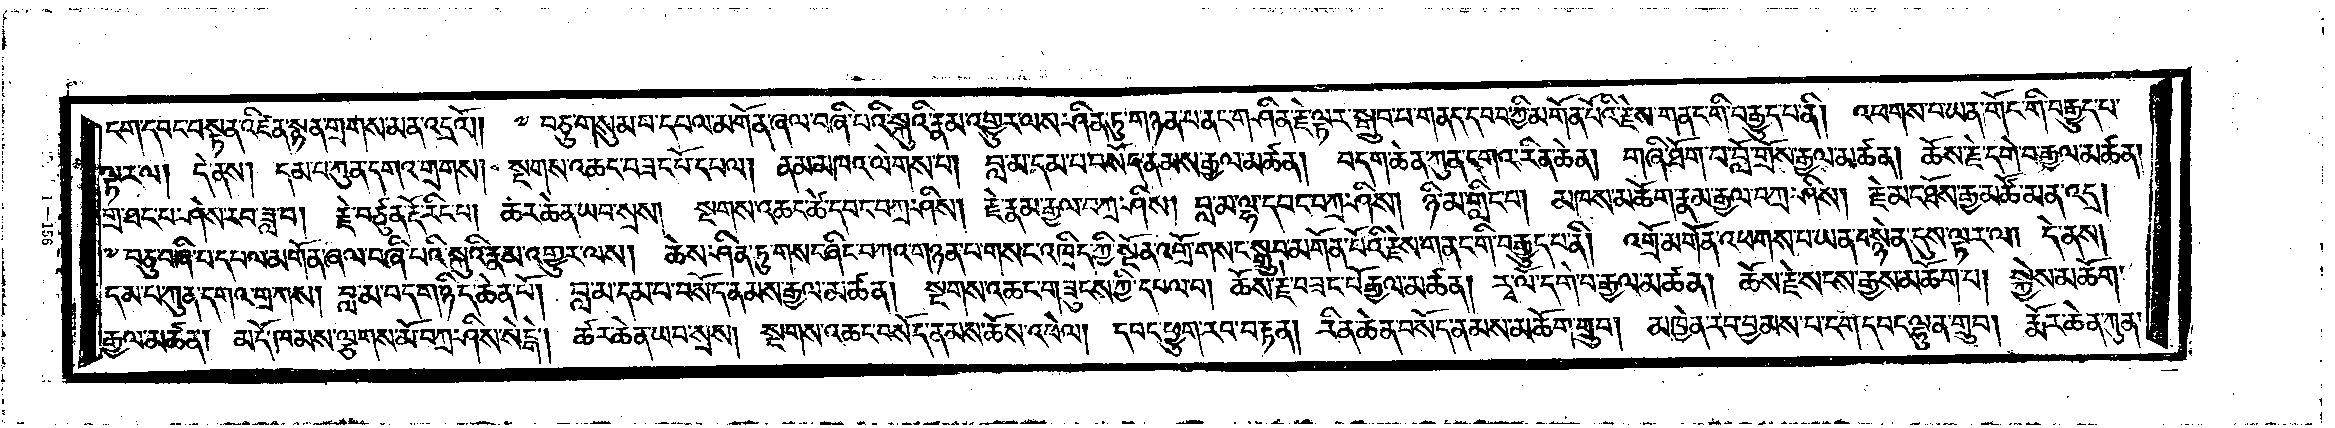ངག་དབང་བསྟན་འཛིན་སྙན་གྲགས་མན་འདྲའོ།། ༧བཅུ་གསུམ་པ་དཔལ་མགོན་ཞལ་བཞི་པའི་སྐུའི་རྣམ་འགྱུར་ལས་ཤིན་ཏུ་གཉན་པ་ནང་གཤིན་རྗེ་ལྟར་སྒྲུབ་པ་གནད་དབབ་ཀྱི་མགོན་པོའི་རྗེས་གནང་གི་བརྒྱུད་པ་ནི། འཕགས་པ་ཡན་གོང་གི་བརྒྱུད་པ་
ལྟར་ལ། དེ་ནས། དམ་པ་ཀུན་དགའ་གྲགས། སྔགས་འཆང་བཟང་པོ་དཔལ། ནམ་མཁའ་ལེགས་པ། བླ་མ་དམ་པ་བསོད་ནམས་རྒྱལ་མཚན། བདག་ཆེན་ཀུན་དགའ་རིན་ཆེན། གཞི་ཐོག་པ་བློ་གྲོས་རྒྱལ་མཚན། ཆོས་རྗེ་དགེ་བ་རྒྱལ་མཚན།
གྲ་ཐང་པ་ཤེས་རབ་ཟླ་བ། རྗེ་བཙུན་རྡོ་རིང་པ། ཚར་ཆེན་ཡབ་སྲས། སྔགས་འཆང་ཚེ་དབང་བཀྲ་ཤིས། རྗེ་རྣམ་རྒྱལ་བཀྲ་ཤིས། བླ་མ་ལྷ་དབང་བཀྲ་ཤིས། ཉི་མ་གླིང་པ། མཁས་མཆོག་རྣམ་རྒྱལ་བཀྲ་ཤིས། རྗེ་མང་ཐོས་རྒྱ་མཚོ་མན་འདྲ།
༧བཅུ་བཞི་པ་དཔལ་མགོན་བཞི་པའི་སྐུའི་རྣམ་གྱུར་ལས། ཆེས་ཤིན་ཏུ་གསང་ཞིང་བཀའ་གཉན་པ་གསང་འཁྲིད་ཀྱི་སྔོན་འགྲོ་གསང་སྒྲུབ་མགོན་པོའི་རྗེས་གནང་གི་བརྒྱུད་པ་ནི། འགྲོ་མགོན་འཕགས་པ་ཡན་བསྙེན་དུས་ལྟར་ལ། དེ་ནས།
དམ་པ་ཀུན་དགའ་གྲགས། བླ་མ་བདག་ཉིད་ཆེན་པོ། བླ་མ་དམ་པ་བསོད་ནམས་རྒྱལ་མཚན། སྔགས་འཆང་གཟུངས་ཀྱི་དཔལ་བ། ཆོས་རྗེ་བཟང་པོ་རྒྱལ་མཚན། རྭ་ལོ་དགེ་བ་རྒྱལ་མཚན། ཆོས་རྗེ་སངས་རྒྱས་མཆོག་པ། སྐྱེས་མཆོག་
རྒྱལ་མཚན། མདོ་ཁམས་ལྕགས་མོ་བཀྲ་ཤིས་སེངྒེ། ཚར་ཆེན་ཡབ་སྲས། སྔགས་འཆང་བསོད་ནམས་ཆོས་འཕེལ། དབང་ཕྱུག་རབ་བརྟན། རིན་ཆེན་བསོད་ནམས་མཆོག་གྲུབ། མཁྱེན་རབ་བྱམས་པ་ངག་དབང་ལྷུན་གྲུབ། རྨོར་ཆེན་ཀུན་